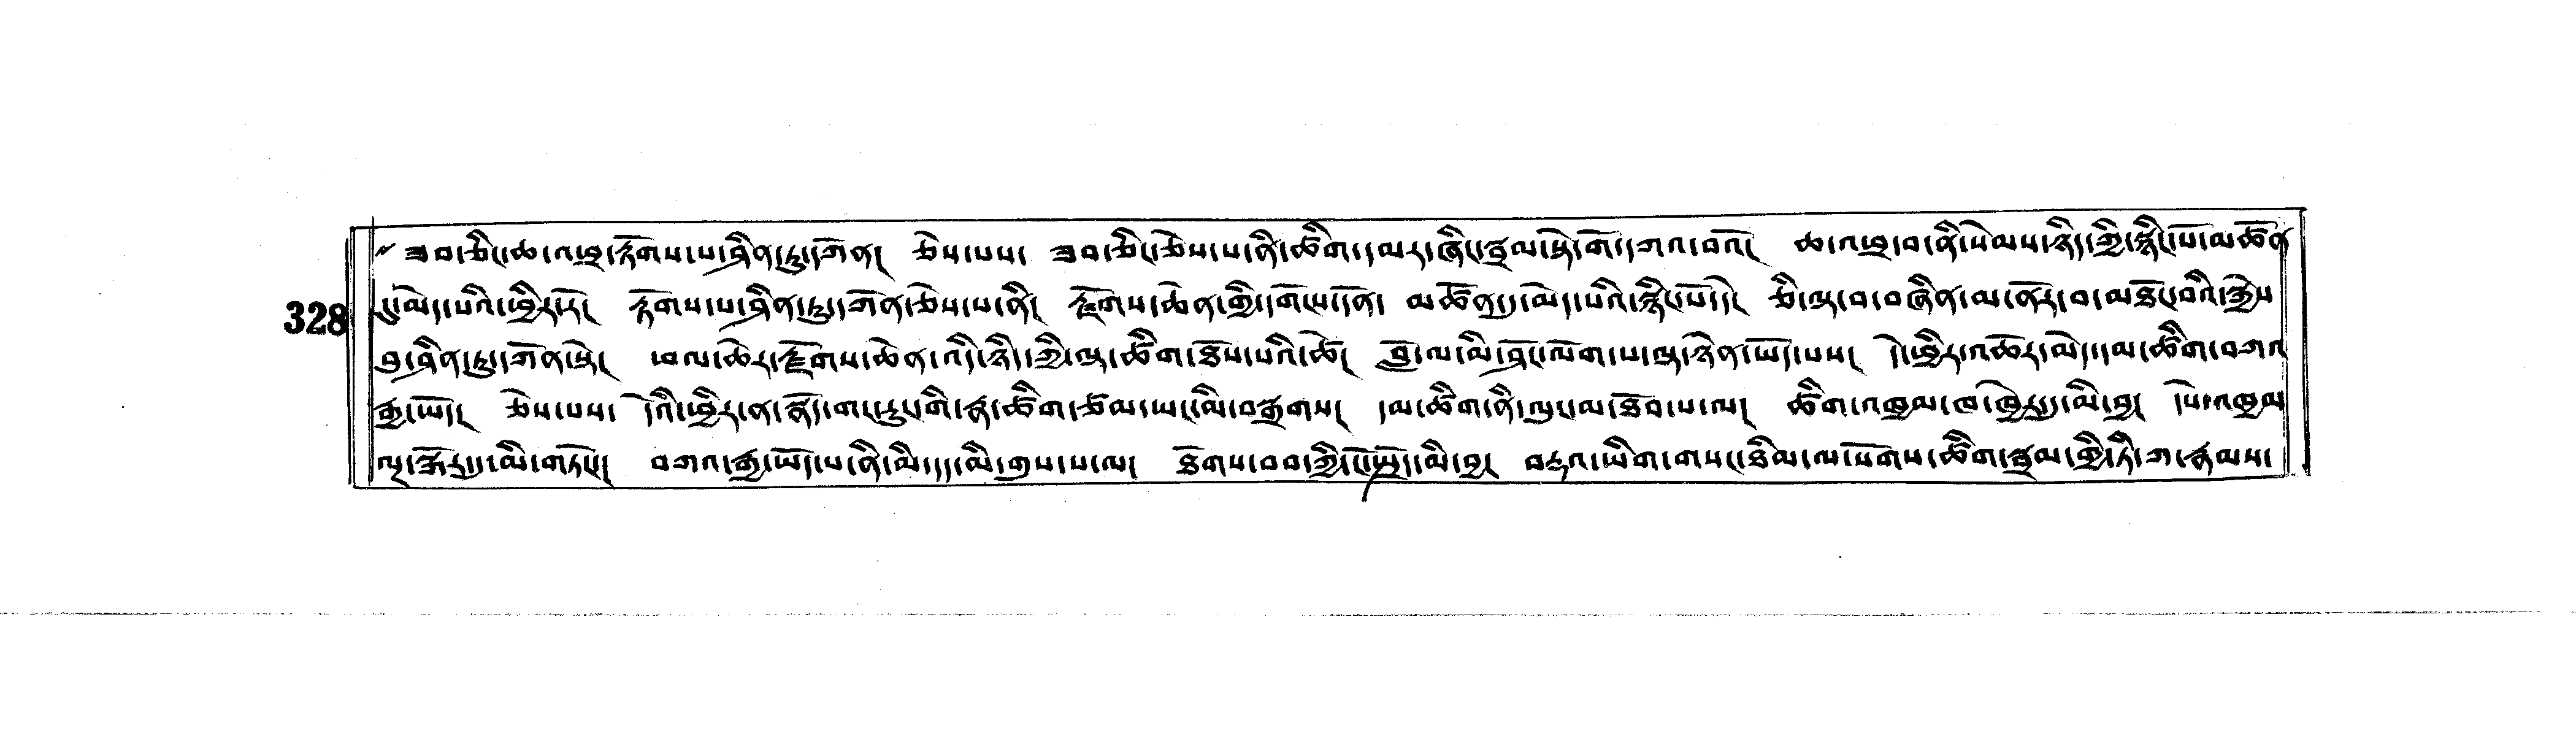༧ ཟབ་ཅིང་ཆ་འཕྲ་རྟོགས་པ་ཤིན་ཏུ་དཀོན། ཟབ་ཅིང་ཅེས་པ་ནི་ཚིག་དམར་ཞིང་སྦྲེལ་ཏེ་གོ་དཀའ་བའོ། ཆ་འཕྲ་བ་ནི་སེམས་ཉིད་ཀྱི་སྙིང་པོ་མཚོན་
དུ་མེད་པའི་ཕྱིར་རོ། རྟོགས་པ་ཤིན་ཏུ་དཀོན་ཅེས་པ་ནི་རྫོགས་ཆེན་གྱི་དགོངས་དོན། མཚོན་དུ་མེད་པའི་སྙིང་པོ་དེ། ཅི་ལྟ་བ་བཞིན་མ་ནོར་བ་མཐོང་བའི་སྐྱེས་
བུ་ཤིན་ཏུ་དཀོན་ཏེ། ཕལ་ཆེར་རྫོགས་ཆེན་འདི་ཉིད་ཀྱི་ལྟ་ཚིག་ཐོས་པའི་ཚེ། བློ་ལ་མི་ཤོང་ལོག་པར་ལྟ་ཉེན་ཡོད་པས། དེ་ཕྱིར་འཆོར་མེད་དམ་ཚིག་བཀའ་
རྒྱ་ཡོད། ཅེས་པས། དེའི་ཕྱིར་ན་སྣོད་གང་རུང་གི་རྣ་ཚིག་ཙམ་ཡང་མི་བསྒྲགས། དམ་ཚིག་ནི་ལུང་མ་ཐོབ་པ་ལ། ཚིག་འཁྱམ་ཁ་ཁྱེར་དུ་མི་བྱ། དཔེ་འཁྱམས་
ལྔ་སྐོར་དུ་མི་གཏོང་། བཀའ་རྒྱ་ཡོད་པ་ནི་མི་དད་མི་གུས་པ་ལ། ཐོག་བབས་ཀྱི་ངོ་སྤྲོད་མི་བྱ། བརྡ་ཡིག་གསང་ཐིམ་ལ་སོགས་ཚིག་སྒྲོམ་གྱི་ཏི་ཀ་རྣམས་ལ་